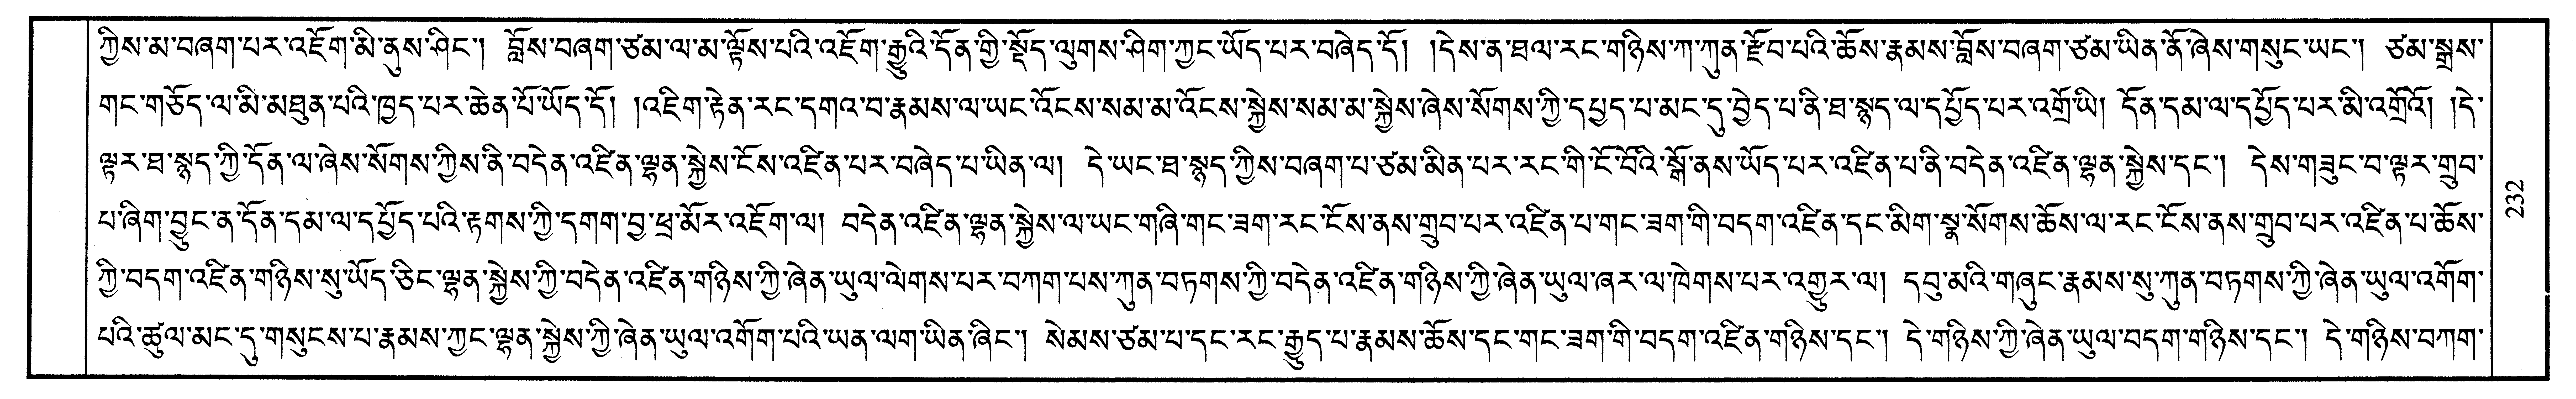ཀྱིས་མ་བཞག་པར་འཇོག་མི་ནུས་ཤིང་། བློས་བཞག་ཙམ་ལ་མ་ལྟོས་པའི་འཇོག་རྒྱུའི་དོན་གྱི་སྡོད་ལུགས་ཤིག་ཀྱང་ཡོད་པར་བཞེད་དོ། །དེས་ན་ཐལ་རང་གཉིས་ཀ་ཀུན་རྫོབ་པའི་ཆོས་རྣམས་བློས་བཞག་ཙམ་ཡིན་ནོ་ཞེས་གསུང་ཡང་། ཙམ་སྒྲས་
གང་གཅོད་ལ་མི་མཐུན་པའི་ཁྱད་པར་ཆེན་པོ་ཡོད་དོ། །འཇིག་རྟེན་རང་དགའ་བ་རྣམས་ལ་ཡང་འོངས་སམ་མ་འོངས་སྐྱེས་སམ་མ་སྐྱེས་ཞེས་སོགས་ཀྱི་དཔྱད་པ་མང་དུ་བྱེད་པ་ནི་ཐ་སྙད་ལ་དཔྱོད་པར་འགྲོ་ཡི། དོན་དམ་ལ་དཔྱོད་པར་མི་འགྲོའོ། །དེ་
ལྟར་ཐ་སྙད་ཀྱི་དོན་ལ་ཞེས་སོགས་ཀྱིས་ནི་བདེན་འཛིན་ལྷན་སྐྱེས་ངོས་འཛིན་པར་བཞེད་པ་ཡིན་ལ། དེ་ཡང་ཐ་སྙད་ཀྱིས་བཞག་པ་ཙམ་མིན་པར་རང་གི་ངོ་བོའི་སྒོ་ནས་ཡོད་པར་འཛིན་པ་ནི་བདེན་འཛིན་ལྷན་སྐྱེས་དང་། དེས་གཟུང་བ་ལྟར་གྲུབ་
པ་ཞིག་བྱུང་ན་དོན་དམ་ལ་དཔྱོད་པའི་རྟགས་ཀྱི་དགག་བྱ་ཕྲ་མོར་འཇོག་ལ། བདེན་འཛིན་ལྷན་སྐྱེས་ལ་ཡང་གཞི་གང་ཟག་རང་ངོས་ནས་གྲུབ་པར་འཛིན་པ་གང་ཟག་གི་བདག་འཛིན་དང་མིག་སྣ་སོགས་ཆོས་ལ་རང་ངོས་ནས་གྲུབ་པར་འཛིན་པ་ཆོས་
ཀྱི་བདག་འཛིན་གཉིས་སུ་ཡོད་ཅིང་ལྷན་སྐྱེས་ཀྱི་བདེན་འཛིན་གཉིས་ཀྱི་ཞེན་ཡུལ་ལེགས་པར་བཀག་པས་ཀུན་བཏགས་ཀྱི་བདེན་འཛིན་གཉིས་ཀྱི་ཞེན་ཡུལ་ཞར་ལ་ཁེགས་པར་འགྱུར་ལ། དབུ་མའི་གཞུང་རྣམས་སུ་ཀུན་བཏགས་ཀྱི་ཞེན་ཡུལ་འགོག་
པའི་ཚུལ་མང་དུ་གསུངས་པ་རྣམས་ཀྱང་ལྷན་སྐྱེས་ཀྱི་ཞེན་ཡུལ་འགོག་པའི་ཡན་ལག་ཡིན་ཞིང་། སེམས་ཙམ་པ་དང་རང་རྒྱུད་པ་རྣམས་ཆོས་དང་གང་ཟག་གི་བདག་འཛིན་གཉིས་དང་། དེ་གཉིས་ཀྱི་ཞེན་ཡུལ་བདག་གཉིས་དང་། དེ་གཉིས་བཀག་